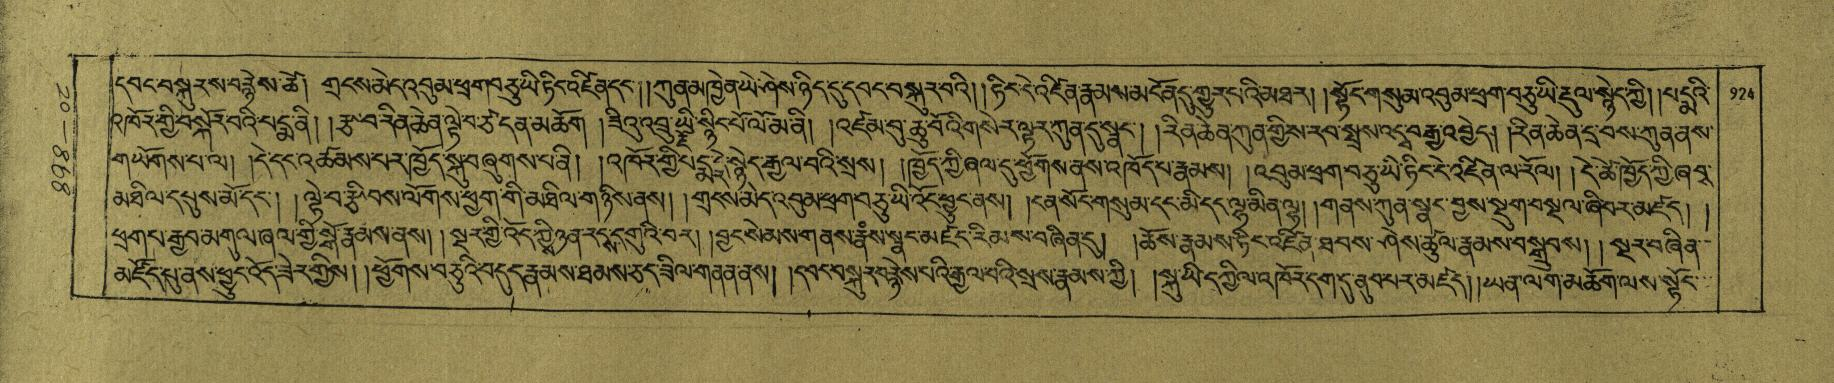དབང་བསྐུར་ས་བརྙེས་ཚེ། གྲངས་མེད་འབུམ་ཕྲག་བཅུ་ཡི་ཏིང་འཛིན་དང་། །ཀུན་མཁྱེན་ཡེ་ཤེས་ཉིད་དུ་དབང་བསྐུར་བའི། །ཏིང་ངེ་འཛིན་རྣམས་མངོན་དུ་གྱུར་པའི་མཐར། །སྟོང་གསུམ་འབུམ་ཕྲག་བཅུ་ཡི་རྡུལ་སྙེད་ཀྱི། །པདམའི་
འཁོར་གྱི་བསྐོར་བའི་པདམ་ནི། །རྩ་བ་རིན་ཆེན་ལྟེ་བ་ཙ་དན་མཆོག །ཟིའུ་འབྲུ་ཡི་རྡོ་སྙིང་པོ་ལོ་མ་ནི། །འཛམ་བུ་ཆུ་བོའི་གསེར་ལྟར་ཀུན་དུ་སྣང་། །རིན་ཆེན་ཀུན་གྱིས་རབ་སྤྲས་འདབ་བརྒྱ་འབྱེད། །རིན་ཆེན་དྲ་བས་ཀུན་ནས་
གཡོགས་པ་ལ། །དེ་དང་འཚམས་པར་ཁྱོད་སྐུ་བཞུགས་པ་ནི། །འཁོར་གྱི་པདམར་དེ་སྙེད་རྒྱལ་བའི་སྲས། །ཁྱོད་ཀྱི་ཞལ་དུ་ཕྱོགས་ནས་འཁོད་པ་རྣམས། །འབུམ་ཕྲག་བཅུ་ཡི་ཏིང་ངེ་འཛིན་ལ་རོལ། །དེ་ཚེ་ཁྱོད་ཀྱི་ཞབས་
མཐིལ་དཔུས་མོ་དང་། །ལྟེ་བ་རྩིབས་ལོགས་ཕྱག་གི་མཐིལ་གཉིས་ནས། །གྲངས་མེད་འབུམ་ཕྲག་བཅུ་ཡི་འོང་ཕྱུང་ནས། །ངན་སོང་གསུམ་དང་མི་དང་ལྷ་མིན་ལྷ། །གནས་ཀུན་སྣང་བྱས་སྡུག་བསྔལ་ཞི་བར་མཛད། །
ཕྲག་པ་རྒྱབ་མགུལ་ཞལ་གྱི་སྒོ་རྣམས་ནས། །སྔར་གྱི་འོད་ཀྱིས་ཉན་རངས་དགུའི་བར། །བྱང་སེམས་གནས་རྣཾས་སྣང་མཛད་རིམས་བཞིན་དུ། །ཆོས་རྣམས་ཏིང་འཛིན་ཐབས་ཤེས་ཚུལ་རྣམས་བསྒྲུབས། །སྔར་བཞིན་
མཛོད་པུ་ནས་ཕྱུང་འོད་ཟེར་གྱིས། །ཕྱོགས་བཅུའི་བདུད་རྣམས་ཐམས་ཅད་ཟིལ་གནན་ནས། །དབང་བསྐུར་བརྙེས་པའི་རྒྱལ་བའི་སྲས་རྣམས་ཀྱི། །སྐུ་ཡི་དཀྱིལ་འཁོར་དག་དུ་ནུབ་པར་མཛད། །ཡན་ལག་མཆོག་ལས་སྟོང་